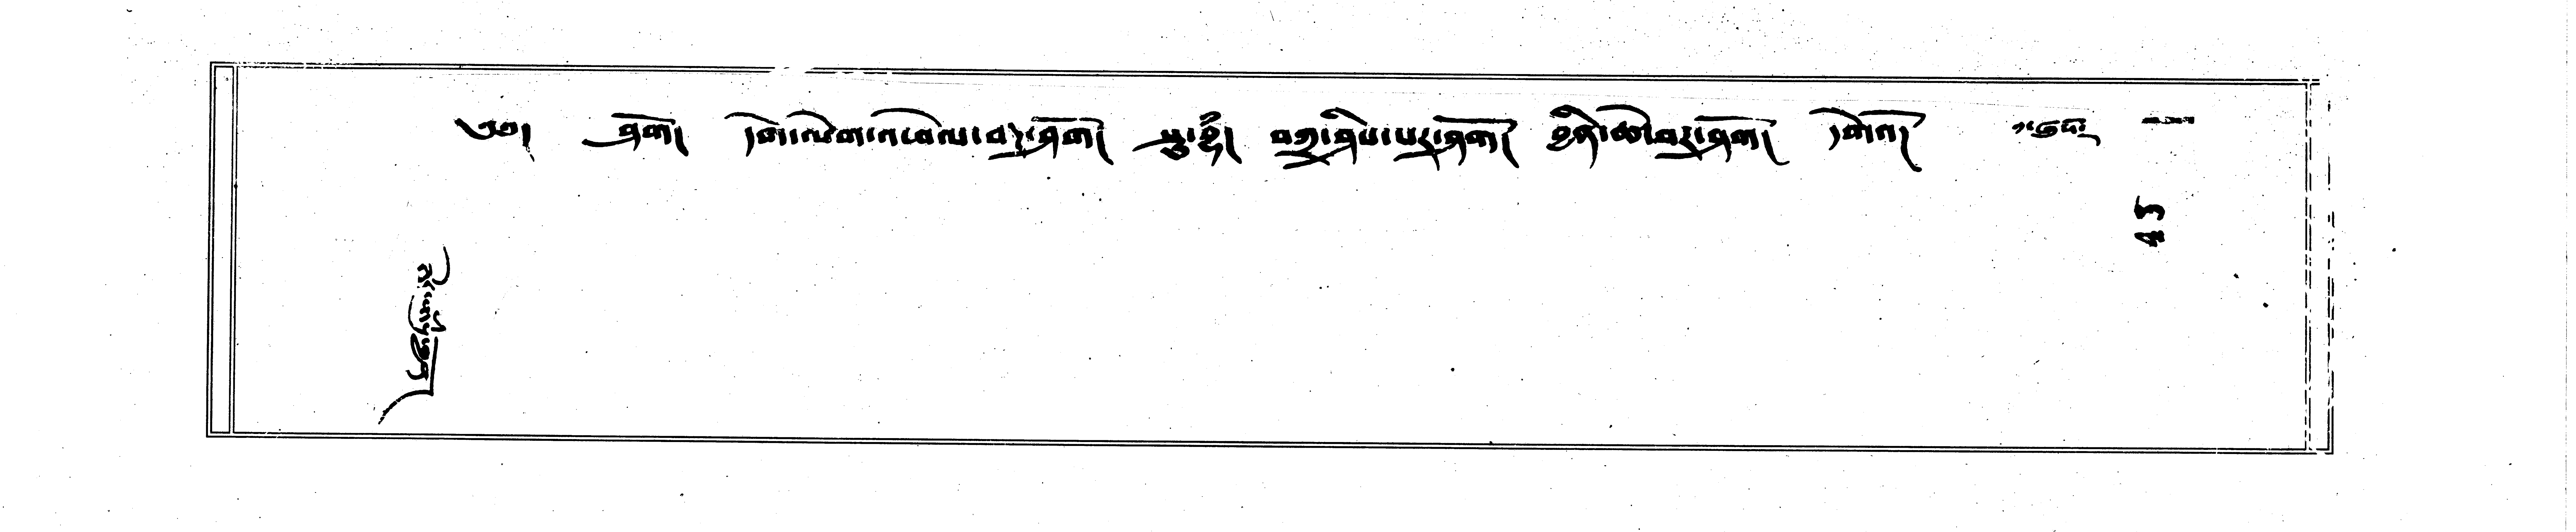ཤོག །དགེ་ལེགས་འཕེལ་བར་ཤོག ཤུ་བྷཾ། བཀྲ་ཤིས་པར་ཤོག བྱིན་ཆེ་བར་ཤོག དགེའོ། ༡ཞུས་སོ། །